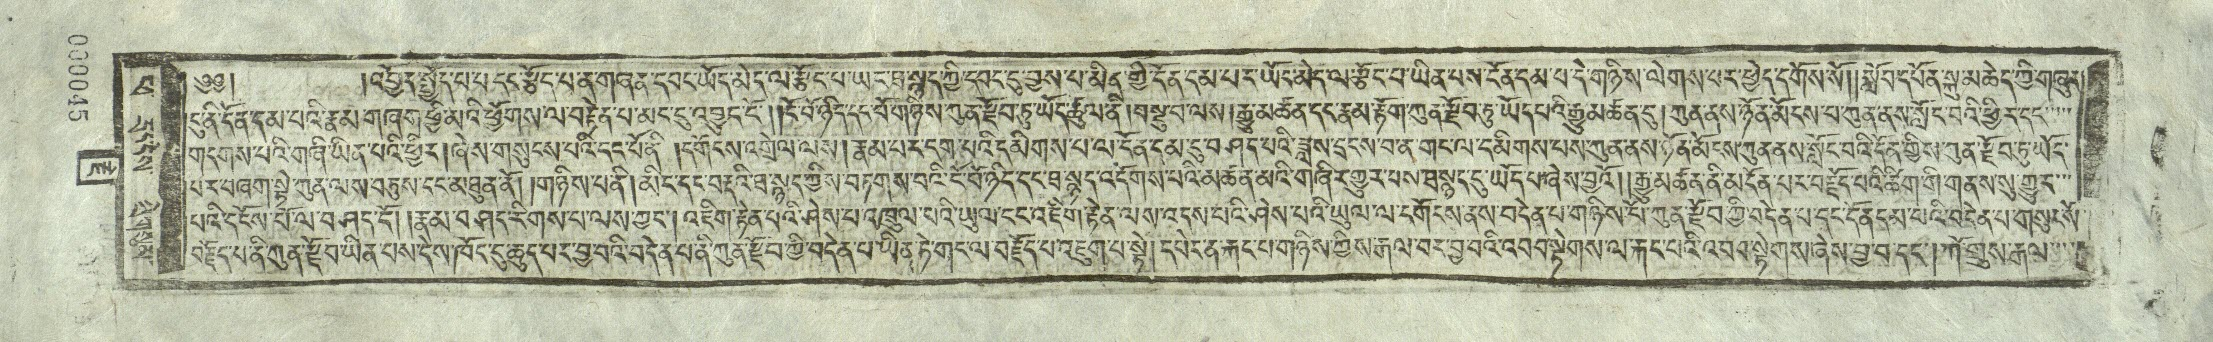༄༅། །འབྱོར་སྤྱོད་པ་པ་དང་རྩོད་པ་ན་གཞན་དབང་ཡོད་མེད་ལ་རྩོད་པ་ཡང་ཐ་སྙད་ཀྱི་དབང་དུ་བྱས་པ་མིན་གྱི་དོན་དམ་པར་ཡོད་མེད་ལ་རྩོད་པ་ཡིན་པས་དོན་དམ་པ་དེ་གཉིས་ལེགས་པར་ཕྱེད་དགོས་སོ། །སློབ་དཔོན་སྐུ་མཆེད་ཀྱི་གཞུང་
དུ་ནི་དོན་དམ་པའི་རྣམ་གཞག་ཕྱི་མའི་ཕྱོགས་ལ་བརྟེན་པ་མང་དུ་འབྱུང་ངོ། །ངོ་བོ་ཉིད་དང་པོ་གཉིས་ཀུན་རྫོབ་ཏུ་ཡོད་ཚུལ་ནི། བསྡུ་བ་ལས། རྒྱུ་མཚན་དང་རྣམ་རྟོག་ཀུན་རྫོབ་ཏུ་ཡོད་པའི་རྒྱུ་མཚན་དུ། ཀུན་ནས་ཉོན་མོངས་པ་ཀུན་ནས་སློང་བའི་ཕྱིར་དང་
གདགས་པའི་གཞི་ཡིན་པའི་ཕྱིར། ཞེས་གསུངས་པའི་དང་པོ་ནི། དགོངས་འགྲེལ་ལས། རྣམ་པར་དག་པའི་དམིགས་པ་ལ་དོན་དམ་དུ་བཤད་པའི་ཟླས་དྲངས་པ་ན་གང་ལ་དམིགས་པས་ཀུན་ནས་ཉོན་མོངས་ཀུན་ནས་སློང་བའི་དོན་གྱིས་ཀུན་རྫོབ་ཏུ་ཡོད་
པར་བཞག་སྟེ་ཀུན་ལས་བཏུས་དང་མཐུན་ནོ། །གཉིས་པ་ནི། མིང་དང་བརྡའི་ཐ་སྙད་ཀྱིས་བཏགས་པའི་ངོ་བོ་ཉིད་དང་ཐ་སྙད་འདོགས་པའི་མཚན་མའི་གཞིར་གྱུར་བས་ཐ་སྙད་དུ་ཡོད་པ་ཞེས་བྱའོ། །རྒྱུ་མཚན་ནི་མངོན་པར་བརྗོད་པའི་ཚིག་གི་གནས་སུ་གྱུར་
པའི་དངོས་པོ་ལ་བཤད་དོ། །རྣམ་བཤད་རིགས་པ་ལས་ཀྱང་། འཇིག་རྟེན་པའི་ཤེས་པ་འཁྲུལ་པའི་ཡུལ་དང་འཇིག་རྟེན་ལས་འདས་པའི་ཤེས་པའི་ཡུལ་ལ་དགོངས་ནས་བདེན་པ་གཉིས་པོ་ཀུན་རྫོབ་གྱི་བདེན་པ་དང་དོན་དམ་པའི་བདེན་པ་གསུངས་སོ། །
བརྗོད་པ་ནི་ཀུན་རྫོབ་ཡིན་པས་དེས་ཁོང་དུ་ཆུད་པར་བྱ་བའི་བདེན་པ་ནི་ཀུན་རྫོབ་ཀྱི་བདེན་པ་ཡིན་ཏེ་གང་ལ་བརྗོད་པ་འཇུག་པ་སྟེ། དཔེར་ན་རྐང་པ་གཉིས་ཀྱིས་རྒལ་བར་བྱ་བའི་འབབ་སྟེགས་ལ་རྐང་པའི་འབབ་སྟེགས་ཞེས་བྱ་བ་དང་། ཀོ་གྲུས་རྒལ་